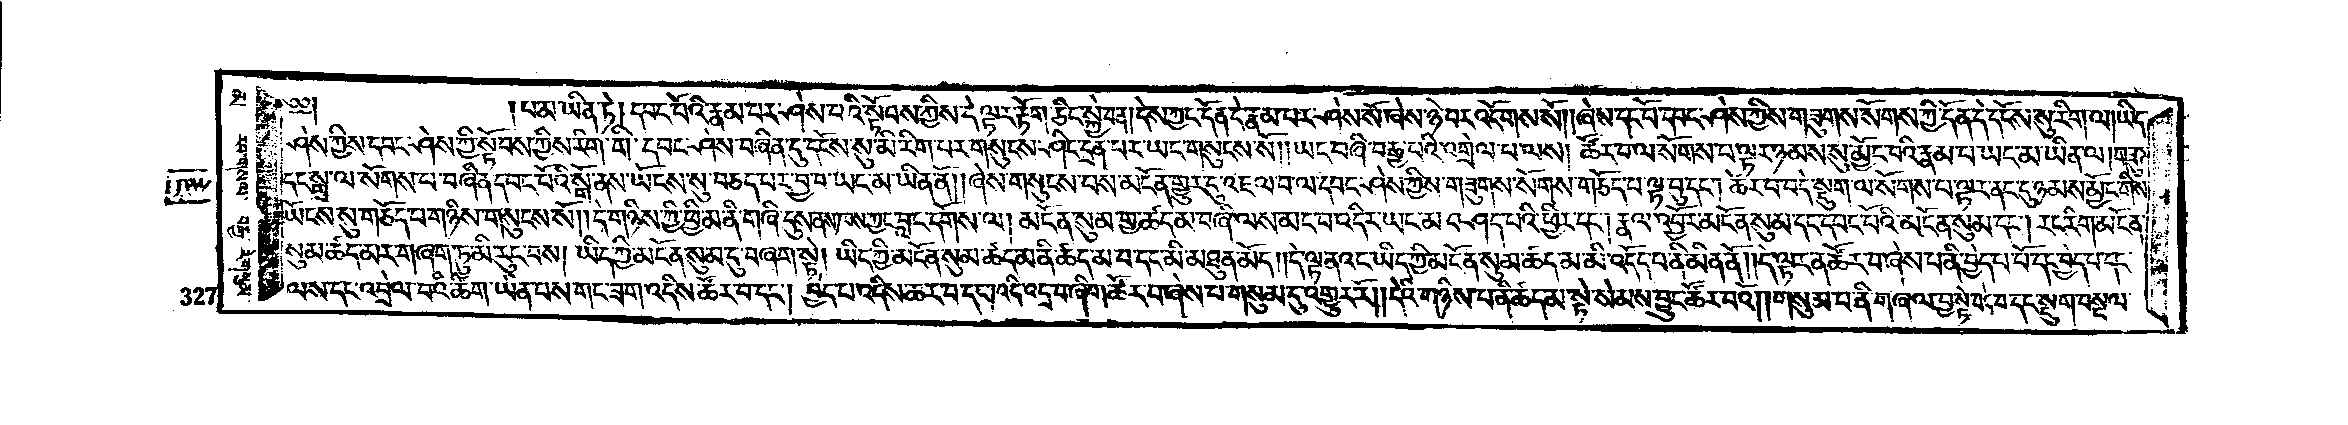༄༅། །པ་མ་ཡིན་ཏེ། དབང་པོའི་རྣམ་པར་ཤེས་པའི་སྟོབས་ཀྱིས་དེ་ལྟར་རྟོག་ཅིང་སྐྱེ་བ་ན། དེས་ཀྱང་དོན་དེ་རྣམ་པར་ཤེས་སོ་ཞེས་ཉེ་བར་འདོགས་སོ། །ཞེས་དང་པོ་དབང་ཤེས་ཀྱིས་གཟུགས་སོགས་ཀྱི་དོན་དེ་དངོས་སུ་རིག་ལ། ཡིད་
ཤེས་ཀྱིས་དབང་ཤེས་ཀྱི་སྟོབས་ཀྱིས་རིག་གི་དབང་ཤེས་བཞིན་དུ་དངོས་སུ་མི་རིག་པར་གསུངས་ཤིང་དྲན་པར་ཡང་གསུངས་སོ། །ཡང་བཞི་བརྒྱ་པའི་འགྲེལ་པ་ལས། ཚོར་བ་ལ་སོགས་པ་ལྟར་ཉམས་སུ་མྱོང་བའི་རྣམ་པ་ཡང་མ་ཡིན་ལ། གཟུགས་
དང་སྒྲ་ལ་སོགས་པ་བཞིན་དབང་པོའི་སྒོ་ནས་ཡོངས་སུ་བཅད་པར་བྱ་བ་ཡང་མ་ཡིན་ནོ། །ཞེས་གསུངས་པས་མངོན་གྱུར་དུ་འཇལ་བ་ལ་དབང་ཤེས་ཀྱིས་གཟུགས་སོགས་གཅོད་པ་ལྟ་བུ་དང་། ཚོར་བ་བདེ་སྡུག་ལ་སོགས་པ་ལྟར་ནང་དུ་ཉམས་མྱོང་གིས་
ཡོངས་སུ་གཅོད་པ་གཉིས་གསུངས་སོ། །དེ་གཉིས་ཀྱི་ཕྱི་མ་ནི་གཞི་དུས་ནས་ཁས་ཀྱང་བླང་དགོས་ལ། མངོན་སུམ་གྱི་ཚད་མ་བཞི་ལས་མང་བ་འདིར་ཡང་མ་བཤད་པའི་ཕྱིར་དང་། རྣལ་འབྱོར་མངོན་སུམ་དང་དབང་པོའི་མངོན་སུམ་དང་། རང་རིག་མངོན་
སུམ་ཚད་མར་གཞག་ཏུ་མི་རུང་བས། ཡིད་ཀྱི་མངོན་སུམ་དུ་བཞག་སྟེ། ཡིད་ཀྱི་མངོན་སུམ་ཚད་མ་ནི་ཚད་མ་བ་དང་མི་མཐུན་མོད། །དེ་ལྟ་ནའང་ཡིད་ཀྱི་མངོན་སུམ་ཚད་མ་མི་འདོད་པ་ནི་མིན་ནོ། །དེ་ལྟར་ན་ཚོར་བ་ཞེས་པ་ནི་བྱེད་པ་པོ་དང་བྱེད་པ་དང་
ལས་དང་འབྲེལ་བའི་ཚིག་ཡིན་པས་གང་ཟག་འདིས་ཚོར་བ་དང་། བྱེད་པ་འདིས་ཚོར་བ་དང་། འདི་འདྲ་བ་ཞིག་ཚོར་བ་ཞེས་པ་གསུམ་དུ་འགྱུར་རོ། །དེའི་གཉིས་པ་ནི་ཚད་མ་སྟེ་སེམས་བྱུང་ཚོར་བའོ། །གསུམ་པ་ནི་གཞལ་བྱ་སྟེ་བདེ་བ་དང་སྡུག་བསྔལ་